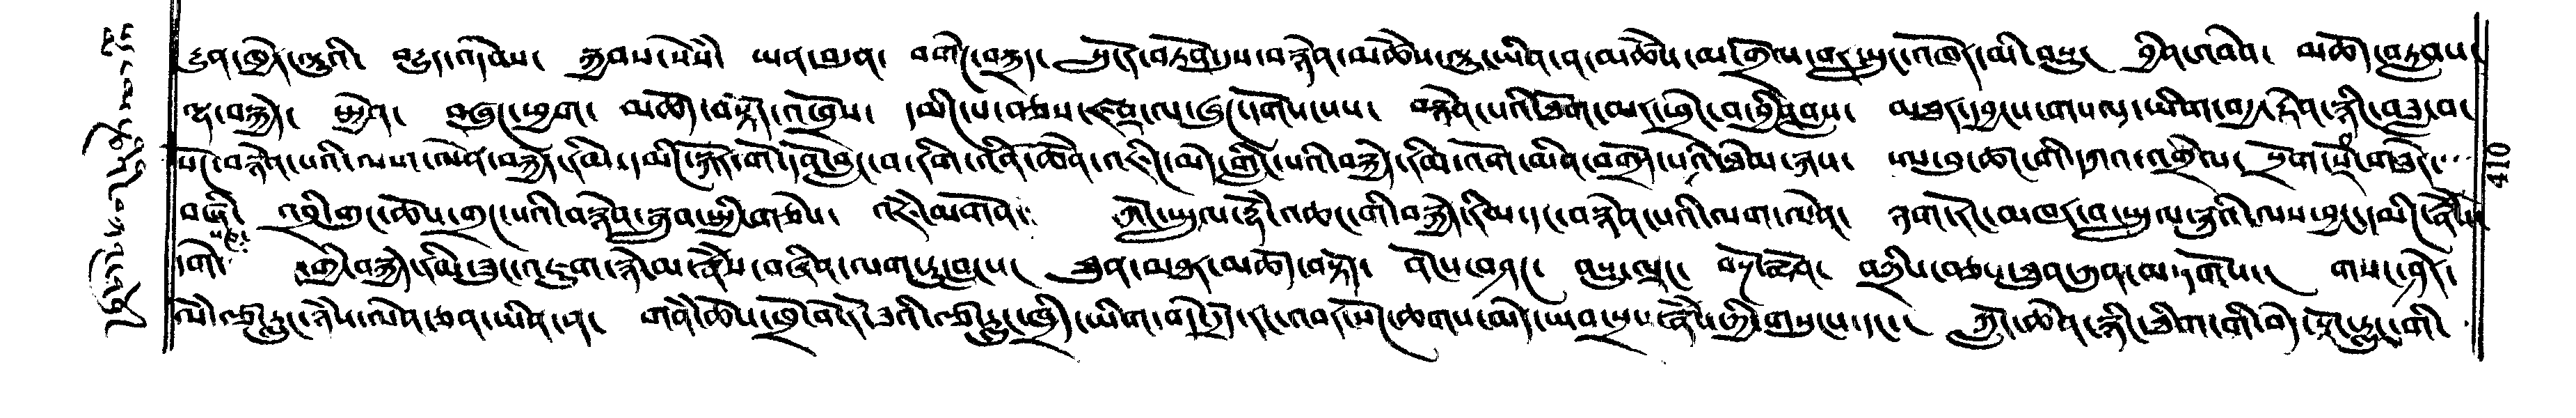རྒྱུན་ཁྱེར་ལྟ་བུའི་བརྒྱུད་འདེབས།སྐྱབས་སེམས། ཡན་བདུན། བགེགས་བསྐྲད། སྲུང་འཁོར་འདོན་དུས་བསྙེན་མཚམས་ལྟ་བུ་ཡིན་ན་མཚམས་མ་གྲོལ་བར་སྲུང་འཁོར་མི་བསྡུ། བྱིན་འབེབ། མཆོད་རླབས། 
ལྷ་བསྐྱེད། སྤྱན་འདྲེན། བཞུགས་ཕྱག མཆོད་བསྟོད་འཕྲོས། དམིགས་པ་བཅས་ཛཔྲ་ལ་ཞུགས་དགོས་པས། བསྙེན་པའི་ཐོག་མར་ཕྲེང་བ་བྱིན་རླབས། མཐར་དབྱངས་གསལ་ཡིག་བརྒྱ་རྟེན་སྙིང་བཟླ་བ་
སོགས་བསྙེན་པའི་ལག་ལེན་བསྐྱེད་རིམ་དམིགས་སྐོར་གོ་དོན་བླང་བ་རིག་འཛིན་ཆེན་པོ་འཇིགས་མེད་གླིང་པའི་བསྐྱེད་རིམ་འོག་མིན་བགྲོད་པའི་ཐེམ་སྐལ། ཨ་བུ་ཚང་གི་དགའ་འགྲེལ། སྲོག་སྡོམ་གཟེར་
བཞི། འབྲི་གུང་ཆོས་གྲགས་པའི་སྙེན་སྒྲུབ་སྤྱི་གཅེས། འཇམ་མགོན་ཀོང་སྤྲུལ་རྡོ་རྗེ་འཆང་གི་བསྐྱེད་རིམ་དང་བསྙེན་པའི་ལག་ལེན། ཉག་རོང་མཁར་བ་སྤྲུལ་སྐུའི་ལས་བྱང་དམིགས་རྣམ། 
དགེ་པཎ་གྱི་བསྐྱེད་རིམ་ཟུང་འཇུག་སྙེ་མ་རྣམས་བཞིན་ལག་ཏུ་བླང་། ཐུན་མཐར་མཆོད་བསྟོད། ནོངས་བཤགས། བསྡུ་ལྡང་། བསྔོ་སྨོན། བཀྲ་ཤིས་བཅས་ཐུན་ཀུན་ལ་དགོས། གསང་ཤེར་
ལམ་རྩ་རླུང་ཉམས་ལེན་ཅན་ཡིན་ན། གནམ་ཆོས་ཁྲོ་བོ་རོ་ཟའི་རྩ་རླུང་ཁྲིད་ཡིག་བདེ་དྲོད་རང་འབར་སོགས་ཆགས་མེད་ཡབ་སྲས་རྣམས་ཀྱི་གསུང་དང་། ཀློང་ཆེན་སྙིང་ཐིག་གི་བདེ་སྟོང་རླུང་གི་